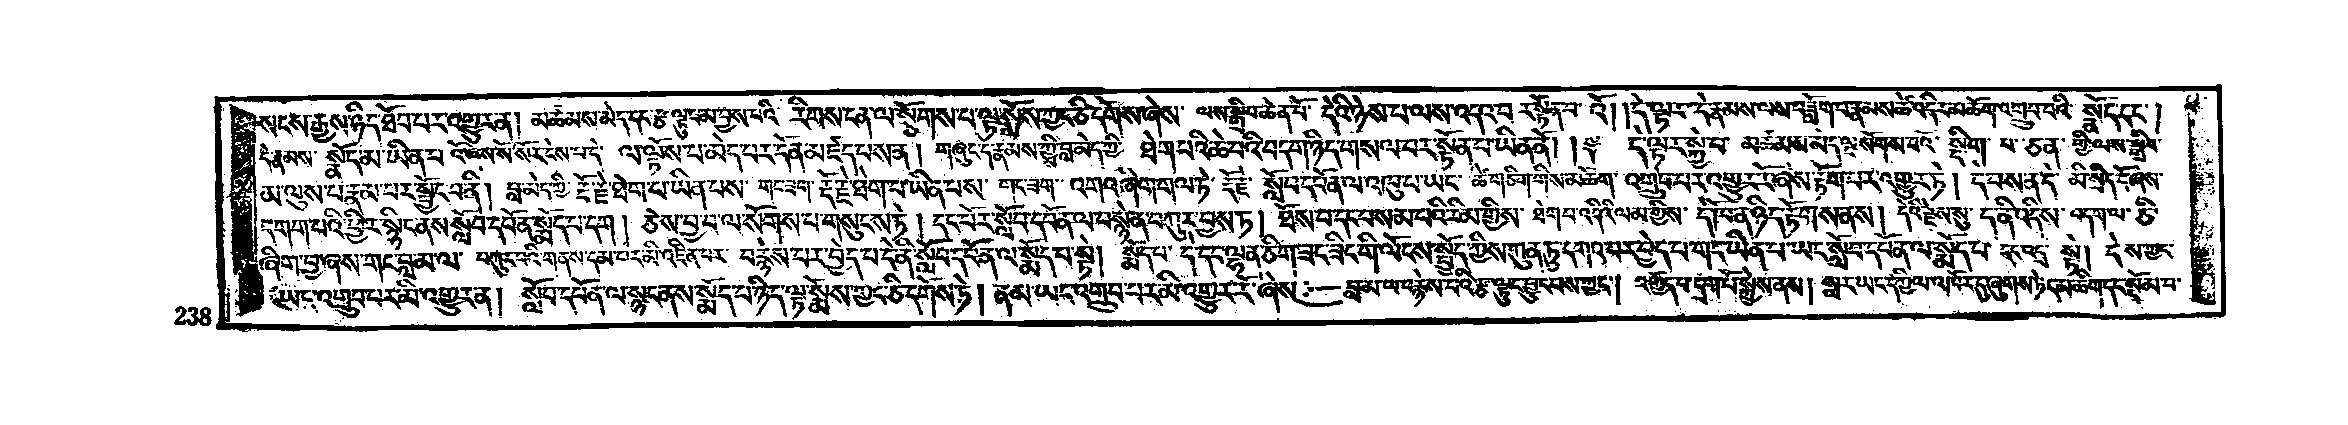སངས་རྒྱས་ཉིད་ཐོབ་པར་འགྱུར་ན། མཚམས་མེད་དང་རྩ་ལྟུང་མ་བྱས་པའི་རིགས་ངན་ལ་སྩོགས་པ་ལྟ་སྨོས་ཀྱང་ཅི་དགོས་ཞེས་ལས་སྒྲིབ་ཆེན་པོ་དེའི་ཉེས་པ་ལས་འདའ་བར་སྟོན་པའོ། །དེ་ལྟར་དེ་རྣམས་ལས་བཟློག་པ་རྣམས་ཚེ་འདིར་མཆོག་འགྲུབ་པའི་སྣོད་དང་།
དེ་རྣམས་སྣོད་མ་ཡིན་པའོ་ཞེས་སོ་སོར་ངེས་པ་དེ་ལ་ལྟོས་པ་མེད་པར་དོན་མཛད་པས་ན། གཞུང་དེ་རྣམས་ཀྱིས་བླ་མེད་ཀྱི་ཐེག་པའི་ཆེ་བའི་བདག་ཉིད་གསལ་བར་སྟོན་པ་ཡིན་ནོ། ། ༈ དེ་ལྟར་སྐྱེ་བོ་མཚམས་མེད་ལྔ་སོགས་པའོ་སྡིག་པ་ཅན་གྱི་ལས་སྒྲིབ་
མ་ལུས་པ་རྣམ་པར་སྦྱོང་བ་ནི། བླ་མེད་ཀྱི་རྡོ་རྗེ་ཐེག་པ་ཡིན་པས་གང་ཟག་རྡོ་རྗེ་ཐེག་པ་ཡིན་པས་གང་ཟག་འགའ་ཞིག་གལ་ཏེ་རྡོ་རྗེ་སློབ་དཔོན་ལ་འཁུ་བ་ཡང་ཚེ་གཅིག་གིས་མཆོག་འགྲུབ་པར་འགྱུར་རོ་ཞེས་རྟོག་པར་འགྱུར་ཏེ། དེ་བས་ན་དེ་མི་སྲིད་དོ་ཞེས་
དགག་པའི་ཕྱིར་སྙིང་ནས་སློབ་དཔོན་སྨོད་པ་དག །ཅེས་བྱ་བ་ལ་སོགས་པ་གསུངས་ཏེ། དང་པོར་སློབ་དཔོན་ལ་བསྙེན་བཀུར་བྱས་ཏེ། ཐོས་པ་དང་བསམ་པའི་རིམ་གྱིས་ཐེག་པ་འདིའི་ལམ་གྱིས་དེ་ཁོ་ན་ཉིད་རྟོགས་ནས། དེའི་རྫེས་སུ་ད་ནི་འདིས་བདག་ལ་ཅི་
ཞིག་བྱ་ཞེས་གང་བླ་མ་ལ་བཀུར་བའི་གནས་དམ་པར་མི་འཛིན་པར་བརྙེས་པར་བྱེད་པ་དེ་ནི་སློབ་དཔོན་ལ་སྨོད་པ་སྟེ། སྨོད་པ་དེ་དང་ལྷན་ཅིག་ཟང་ཟིང་གི་ལོངས་སྤྱོད་ཀྱིས་ཀུན་ཏུ་དགའ་བར་བྱེད་པ་གང་ཡིན་པ་ཡང་སློབ་དཔོན་ལ་སྨོད་པ་དང་འདྲ་སྟེ། དེས་ཀྱང་
ཡང་འགྲུབ་པར་མི་འགྱུར་ན། སློབ་དཔོན་ལ་སྙིང་ནས་སྨོད་པ་ཉིད་ལྟ་སྨོས་ཀྱང་ཅི་དགོས་ཏེ། ནམ་ཡང་འགྲུབ་པར་མི་འགྱུར་རོ་ཞེས་H.་བླ་མ་ལ་བརྙེས་པའི་རྩ་ལྟུང་བྱུང་བས་ཀྱང་། འགྱོད་པ་དྲག་པོ་སྐྱེས་ནས། སླར་ཡང་དཀྱིལ་འཁོར་དུ་ཞུགས་ཏེ་དམ་ཚིག་དང་སྡོམ་པ་